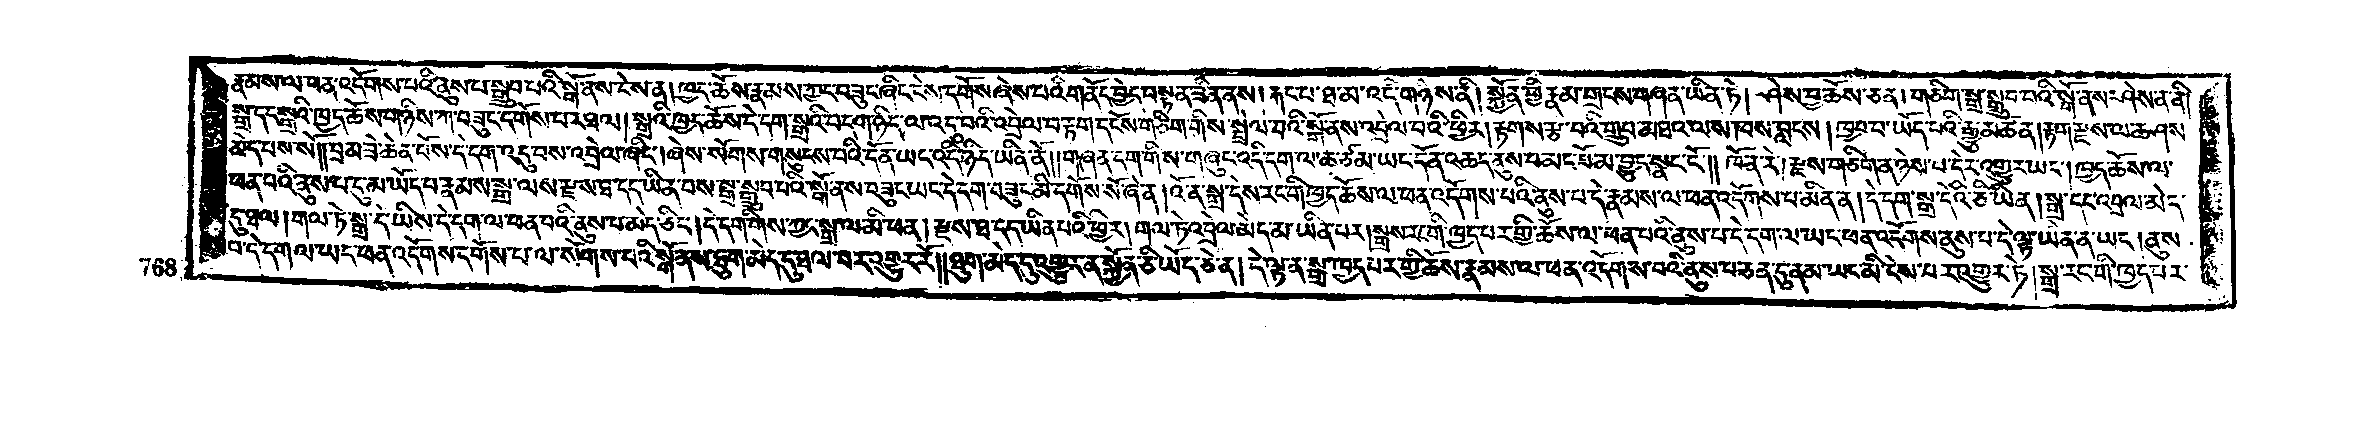རྣམས་ལ་ཕན་འདོགས་པའི་ནུས་པ་སྒྲུབ་པའི་སྒོ་ནས་ངེས་ན། ཁྱད་ཆོས་རྣམས་ཀྱང་བཟུང་ཞིང་ངེས་དགོས་ཞེས་པའི་གནོད་བྱེད་བསྟན་ཟིན་ནས། རྐང་པ་ཐ་མ་འདི་གཉིས་ནི། སྐྱོན་གྱི་རྣམ་གྲངས་གཞན་ཡིན་ཏེ། ཤེས་བྱ་ཆོས་ཅན། གཅིག་སྒྲ་སྒྲུབ་པའི་སྒོ་ནས་ཤེས་ན་ནི།
སྒྲ་དང་སྒྲའི་ཁྱད་ཆོས་གཉིས་ཀ་བཟུང་དགོས་པར་ཐལ། སྒྲའི་ཁྱད་ཆོས་དེ་དག་སྒྲའི་བདག་ཉིད་ལ་འདི་བའི་འབྲེལ་བ་རྟག་དངོས་གཅིག་གིས་སྤྲེལ་བའི་སྒོ་ནས་འབྲེལ་བའི་ཕྱིར། རྟགས་རྩ་བའི་གྲུབ་མཐའ་ལས་ཁས་བླངས། ཁྱབ་པ་ཡོད་པའི་རྒྱུ་མཚན། རྟག་རྫས་ལ་ཆ་ཤས་
མེད་པས་སོ། །བྲམ་ཟེ་ཆེན་པོས་དེ་དག་འདུ་བས་འབྲེལ་ཞིང་། ཞེས་སོགས་གསུངས་བའི་དོན་ཡང་འདི་ཉིད་ཡིན་ནོ། །གཞན་དག་གིས་གཞུང་འདི་དག་ལ་ཆ་ཙམ་ཡང་དོན་འཆད་ནུས་པ་མང་པོ་མ་བྱུང་སྣང་ངོ། །ཁོ་ན་རེ། རྫས་གཅིག་ན་ཉེས་པ་དེར་འགྱུར་ཡང་། ཁྱད་ཆོས་ལ་
ཕན་པའི་ནུས་པ་དུ་མ་ཡོད་པ་རྣམས་སྒྲ་ལས་རྯས་ཐ་དད་ཡིན་པས་སྒྲ་སྒྲུབ་པའི་སྒོ་ནས་བཟུང་ཡང་དེ་དག་བཟུང་མི་དགོས་སོ་ཞེ་ན། འོ་ན་སྒྲ་དེས་རང་གི་ཁྱད་ཆོས་ལ་ཕན་འདོགས་པའི་ནུས་པ་དེ་རྣམས་ལ་ཕན་འདོགས་པ་མིན་ན། དེ་དག་སྒྲ་དེའི་ཅི་ཡིན། སྒྲ་དང་འབྲེལ་མེད་
དུ་ཐལ། གལ་ཏེ་སྒྲ་དེ་ཡིས་དེ་དག་ལ་ཕན་པའི་ནུས་པ་མེད་ཅིང་། དེ་དག་གིས་ཀྱང་སྒྲ་ལ་མི་ཕན། རྫས་ཐ་དད་ཡིན་པའི་ཕྱིར། གལ་ཏེ་འབྲེལ་མེད་མ་ཡིན་པར། སྒྲས་རང་གི་ཁྱད་པར་གྱི་ཆོས་ལ་ཕན་པའི་ནུས་པ་དེ་དག་ལ་ཡང་ཕན་འདོགས་ནུས་པ་དེ་ལྟ་ཡིན་ན་ཡང་། ནུས་
བ་དེ་དག་ལ་ཡང་ཕན་འདོགས་དགོས་པ་ལ་སོགས་པའི་སྒོ་ནས་ཐུག་མེད་དུ་ཐལ་བར་འགྱུར་རོ། །ཐུག་མེད་དུ་འགྱུར་ན་སྐྱོན་ཅི་ཡོད་ཅེ་ན། དེ་ལྟ་ན་སྒྲ་ཁྱད་པར་གྱི་ཆོས་རྣམས་ལ་ཕན་འདོགས་པའི་ནུས་པ་ཅན་དུ་ནམ་ཡང་མི་ངེས་པར་འགྱུར་ཏེ། སྒྲ་རང་གི་ཁྱད་པར་